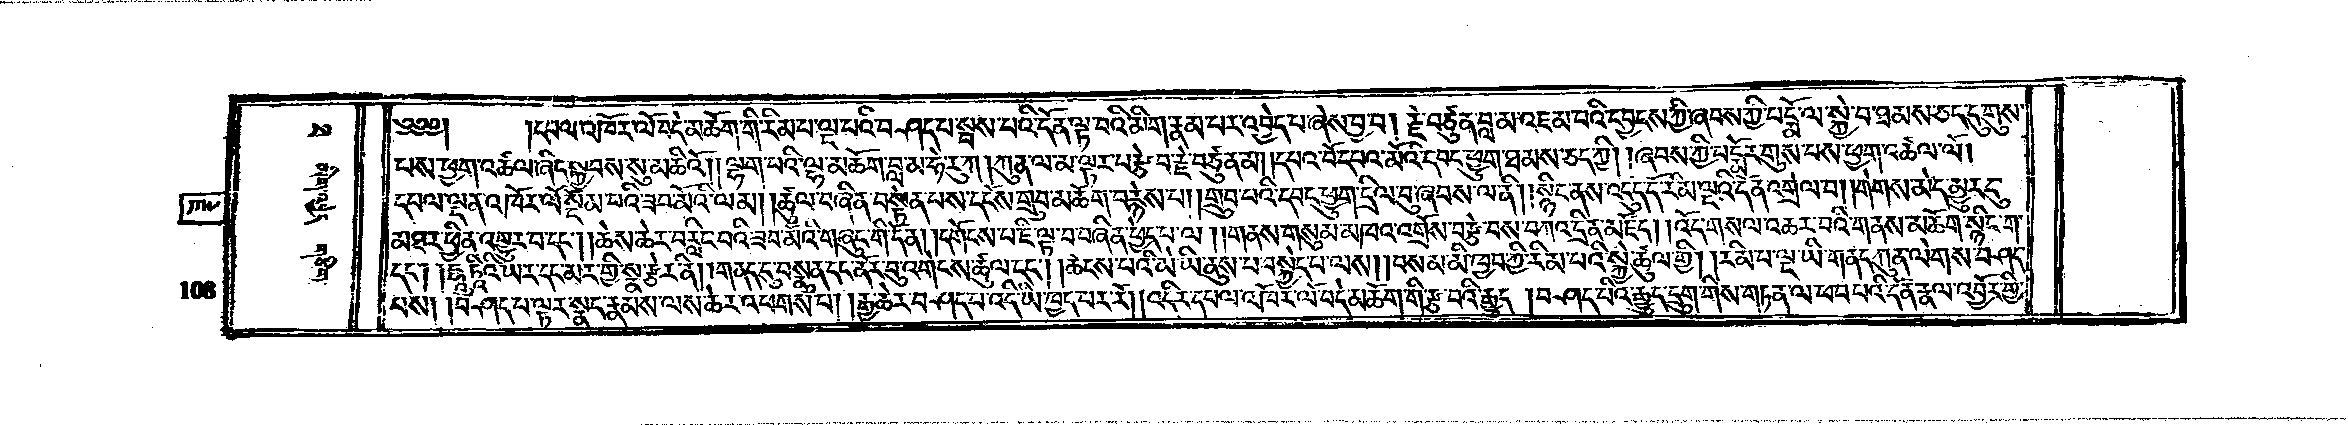༄༅། །དཔལ་འཁོར་ལོ་བདེ་མཆོག་གི་རིམ་པ་ལྔ་པའི་བཤད་པ་སྦས་པའི་དོན་ལྟ་བའི་མིག་རྣམ་པར་འབྱེད་པ་ཞེས་བྱ་བ། རྗེ་བཙུན་བླ་མ་འཇམ་པའི་དབྱངས་ཀྱི་ཞབས་ཀྱི་པདམོ་ལ་སྐྱེ་བ་ཐམས་ཅད་དུ་གུས་
པས་ཕྱག་འཚལ་ཞིང་སྐྱབས་སུ་མཆིའོ། །ལྷག་པའི་ལྷ་མཆོག་བླ་མ་ཧེ་རུ་ཀ། ཀུན་ལ་མ་ལྟར་བརྩེ་བ་རྗེ་བཙུན་མ། །དཔའ་བོ་དཔའ་མོའི་དབང་ཕྱུག་ཐམས་ཅད་ཀྱི། །ཞབས་ཀྱི་པདམོར་གུས་པས་ཕྱག་འཚལ་ལོ།
དཔལ་ལྡན་འཁོར་ལོ་སྡོམ་པའི་ཟབ་མོའི་ལམ། །ཚུལ་བཞིན་བསྟེན་པས་དངོས་གྲུབ་མཆོག་བརྙེས་པ། །གྲུབ་པའི་དབང་ཕྱུག་དྲིལ་བུ་ཞབས་ལ་ནི། །སྙིང་ནས་འདུད་དོ་རིམ་ལྔའི་དོན་འགྲེལ་བ། །གེགས་མེད་མྱུར་དུ་
མཐར་ཕྱིན་འགྱུར་བ་དང་། །ཆེས་ཆེར་བརླིང་བའི་ཟབ་མོའི་གཞུང་གི་དོན། །དགོངས་པ་ཇི་ལྟ་བ་བཞིན་ཕྱེད་པ་ལ། །གནས་གསུམ་མཁའ་འགྲེས་བརྩེ་བས་བཀའ་དྲིན་མཛད། །འོད་གསལ་འཆར་བའི་གནས་མཆོག་སྙིང་ག་
དང་། །དྷཱུ་ཏཱིའི་ཡར་དང་མར་གྱི་སྣ་རྩེར་ནི། །གནད་དུ་བསྣུན་དང་ནོར་བུ་འགེངས་ཚུལ་དང་། །ཚངས་པའི་མེ་ཡི་ནུས་པ་བསྐྱེད་པ་ལས། །བསམ་མི་ཁྱབ་ཀྱི་རིམ་པའི་སྐྱེ་ཚུལ་གྱི། །རིམ་པ་ལྔ་ཡི་གནད་ཀུན་ལེགས་བཤད་
པས། །བཤད་པ་ལྟར་སྣང་རྣམས་ལས་ཆེར་འཕགས་པ། །རྒྱ་ཆེར་བཤད་པ་འདི་ཡི་ཁྱད་པར་རོ། །འདིར་དཔལ་འཁོར་ལོ་བདེ་མཆོག་གི་རྩ་བའི་རྒྱུད། བཤད་པའི་རྒྱུད་དྲུག་གིས་གཏན་ལ་ཕབ་པའི་དོན་རྣལ་འབྱོར་གྱི་